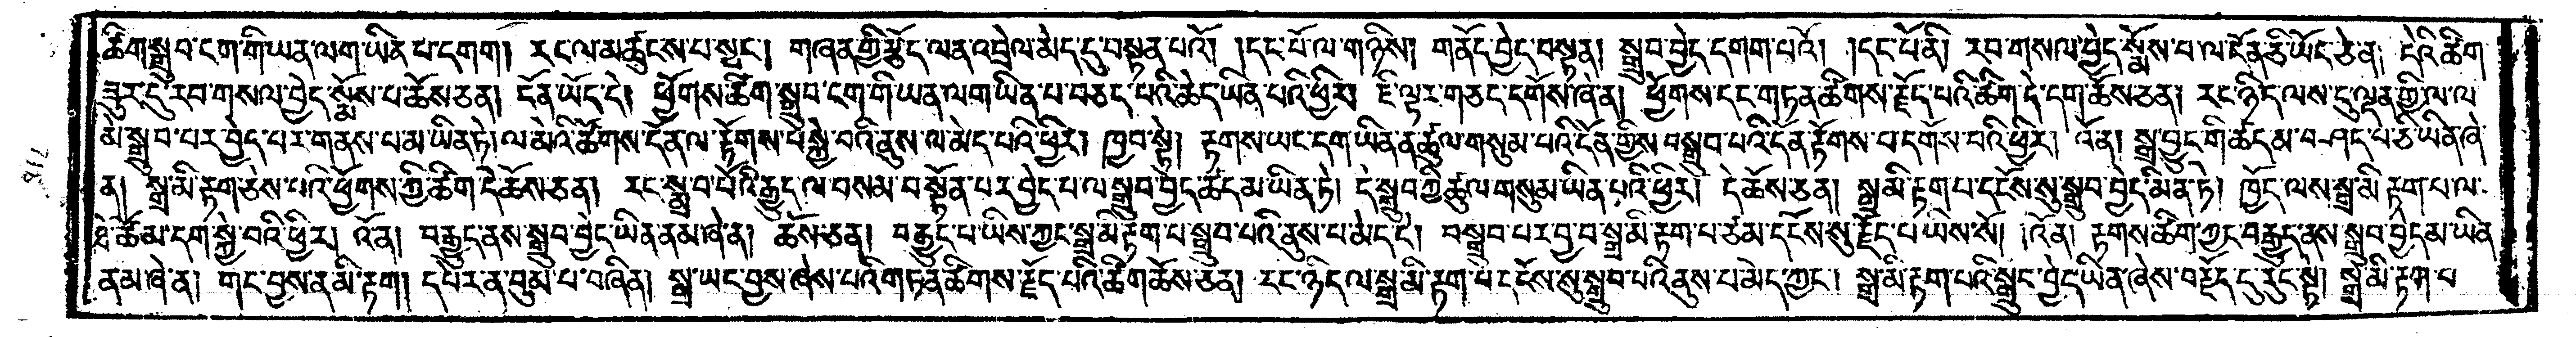ཚིག་སྒྲུབ་ངག་གི་ཡན་ལག་ཡིན་པ་དགག། རང་ལ་མཚུངས་པ་སྤང་། གཞན་གྱི་རྩོད་ལན་འབྲེལ་མེད་དུ་བསྟན་པའོ། །དང་པོ་ལ་གཉིས། གནོད་བྱེད་བསྟན། སྒྲུབ་བྱེད་དགག་པའོ། །དང་པོ་ནི། རབ་གསལ་བྱེད་སྨོས་པ་ལ་དོན་ཅི་ཡོང་ཅེ་ན། དེའི་ཚིག་
ཟུར་དུ་རབ་གསལ་བྱེད་སྨོས་པ་ཆོས་ཅན། དོན་ཡོད་དེ། ཕྱོགས་ཚིག་སྒྲུབ་ངག་གྱི་ཡན་ལག་ཡིན་པ་བཅད་པའི་ཆེད་ཡིན་པའི་ཕྱིར། ཇི་ལྟར་གཅད་དགོས་ཞེ་ན། ཕྱོགས་དང་གཏན་ཚིགས་རྗོད་པའི་ཚིག་དེ་དག་ཆོས་ཅན། རང་ཉིད་ལས་དུ་ལྡན་གྱི་ལ་ལ་
མེ་སྒྲུབ་པར་བྱེད་པར་གནས་པ་མ་ཡིན་ཏེ། ལ་མེའི་ཚོགས་དོན་ལ་རྟོགས་བ་སྐྱེ་བའི་ནུས་ལ་མེད་པའི་ཕྱིར། ཁྱབ་སྟེ། རྟགས་ཡང་དག་ཡིན་ན་ཚུལ་གསུམ་པའི་དོན་གྱིས་བསྒྲུབ་པའི་དོན་རྟོགས་པ་དགོས་པའི་ཕྱིར། འོ་ན། སྒྲ་བྱུང་གི་ཚད་མ་བཤད་པ་ཅི་ཡིན་ཞེ་
ན། སྒྲ་མི་རྟག་ཅེས་བའི་ཕྱོགས་ཀྱི་ཚིག་དེ་ཆོས་ཅན། རང་སྨྲ་བ་པོའི་རྒྱུད་ལ་བསམ་བ་སྟོན་པར་བྱེད་པ་ལ་སྒྲུབ་བྱེད་ཚད་མ་ཡིན་ཏེ། དེ་སྒྲུབ་ཀྱི་ཚུལ་གསུམ་ཡིན་པའི་ཕྱིར། དེ་ཆོས་ཅན། སྒྲ་མི་རྟག་པ་དངོས་སུ་སྒྲུབ་བྱེད་མིན་ཏེ། ཁྱོད་ལས་སྒྲ་མི་རྟག་པ་ལ་
ཐེ་ཚོམ་དག་སྐྱེ་བའི་ཕྱིར། འོ་ན། བརྒྱུད་ནས་སྒྲུབ་བྱེད་ཡིན་ནམ་ཞེ་ན། ཆོས་ཅན། བརྒྱུད་པ་ཡིས་ཀྱང་སྒྲ་མི་རྟག་པ་སྒྲུབ་པའི་ནུས་པ་མེད་དེ། བསྒྲུབ་པར་བྱ་བ་སྒྲ་མི་རྟག་པ་ཙམ་དངོས་སུ་རྗོད་པ་ཡིས་སོ། །འོ་ན། རྟགས་ཚིག་ཀྱང་བརྒྱུད་ནས་སྒྲུབ་བྱེད་མ་ཡིན་
ནམ་ཞེ་ན། གང་བྱས་ན་མི་རྟག། དཔེར་ན་བུམ་པ་བཞིན། སྒྲ་ཡང་བྱས་ཞེས་པའི་གཏན་ཚིགས་རྗོད་པའི་ཚིག་ཆོས་ཅན། རང་ཉིད་ལ་སྒྲ་མི་རྟག་པ་དངོས་སུ་སྒྲུབ་པའི་ནུས་པ་མེད་ཀྱང་། སྒྲ་མི་རྟག་པའི་སྒྲུབ་བྱེད་ཡིན་ཞེས་བརྗོད་དུ་རུང་སྟེ། སྒྲ་མི་རྟག་པ་